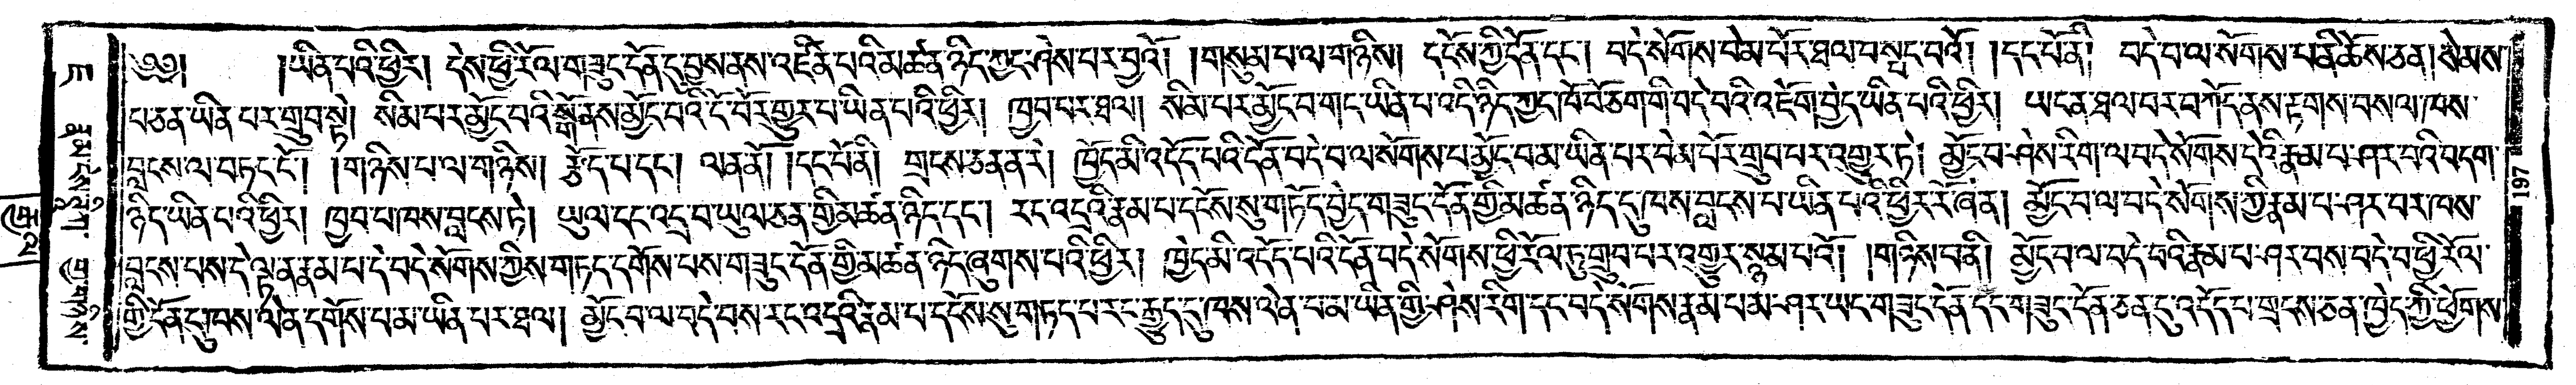༄༅། །ཡིན་པའི་ཕྱིར། དེས་ཕྱི་རོལ་གཟུང་དོན་དུ་བྱས་ནས་འཛིན་པའི་མཚན་ཉིད་ཀྱང་ཤེས་པར་བྱའོ། །གསུམ་པ་ལ་གཉིས། དངོས་ཀྱི་དོན་དང་། བདེ་སོགས་བེམ་པོར་ཐལ་བ་སྤང་བའོ། །དང་པོ་ནི། བདེ་བ་ལ་སོགས་པ་ནི་ཆོས་ཅན། སེམས་
པ་ཅན་ཡིན་པར་གྲུབ་སྟེ། སིམ་པར་མྱོང་བའི་སྒོ་ནས་མྱོང་བའི་ངོ་བོར་གྱུར་པ་ཡིན་པའི་ཕྱིར། ཁྱབ་པར་ཐལ། སིམ་པར་མྱོང་བ་གང་ཡིན་པ་འདི་ཉིད་ཀྱང་ཁོ་བོ་ཅག་གི་བདེ་བའི་འཇོག་བྱེད་ཡིན་པའི་ཕྱིར། ཡང་ན་ཐལ་བར་བཀོད་ནས་རྟགས་བསལ་ཁས་
བླངས་ལ་བཏང་ངོ། །གཉིས་པ་ལ་གཉིས། རྩོད་པ་དང་། ལན་ནོ། །དང་པོ་ནི། གྲངས་ཅན་ན་རེ། ཁྱོད་མི་འདོད་པའི་དོན་བདེ་བ་ལ་སོགས་པ་མྱོང་བ་མ་ཡིན་པར་བེམ་པོར་གྲུབ་པར་འགྱུར་ཏེ། མྱོང་བ་ཤེས་རིག་ལ་བདེ་སོགས་དེའི་རྣམ་པ་ཤར་བའི་བདག་
ཉིད་ཡིན་པའི་ཕྱིར། ཁྱབ་པ་ཁས་བླངས་ཏེ། ཡུལ་དང་འདྲ་བ་ཡུལ་ཅན་གྱི་མཚན་ཉིད་དང་། རང་འདྲའི་རྣམ་པ་དངོས་སུ་གཏོད་བྱེད་གཟུང་དོན་གྱི་མཚན་ཉིད་དུ་ཁས་བླངས་པ་ཡིན་པའི་ཕྱིར་རོ་ཞེ་ན། མྱོང་བ་ལ་བདེ་སོགས་ཀྱི་རྣམ་པ་ཤར་བར་ཁས་
བླངས་པས་དེ་ལྟ་ན་རྣམ་པ་དེ་བདེ་སོགས་ཀྱིས་གཏད་དགོས་པས་གཟུང་དོན་གྱི་མཚན་ཉིད་ཞུགས་པའི་ཕྱིར། ཁྱེད་མི་འདོད་པའི་དོན་བདེ་སོགས་ཕྱི་རོལ་ཏུ་གྲུབ་པར་འགྱུར་སྙམ་པའོ། །གཉིས་པ་ནི། མྱོང་བ་ལ་བདེ་བའི་རྣམ་པ་ཤར་བས་བདེ་བ་ཕྱི་རོལ་
གྱི་དོན་དུ་ཁས་ལེན་དགོས་པ་མ་ཡིན་པར་ཐལ། མྱོང་བ་ལ་བདེ་བས་རང་འདྲའི་རྣམ་པ་དངོས་སུ་གཏད་པ་རང་རྒྱུད་དུ་ཁས་ལེན་པ་མ་ཡིན་གྱི་ཤེས་རིག་དང་བདེ་སོགས་རྣམ་པ་མ་ཤར་ཡང་གཟུང་དོན་དང་གཟུང་དོན་ཅན་དུ་འདོད་པ་གྲངས་ཅན་ཁྱེད་ཀྱི་ཕྱོགས་